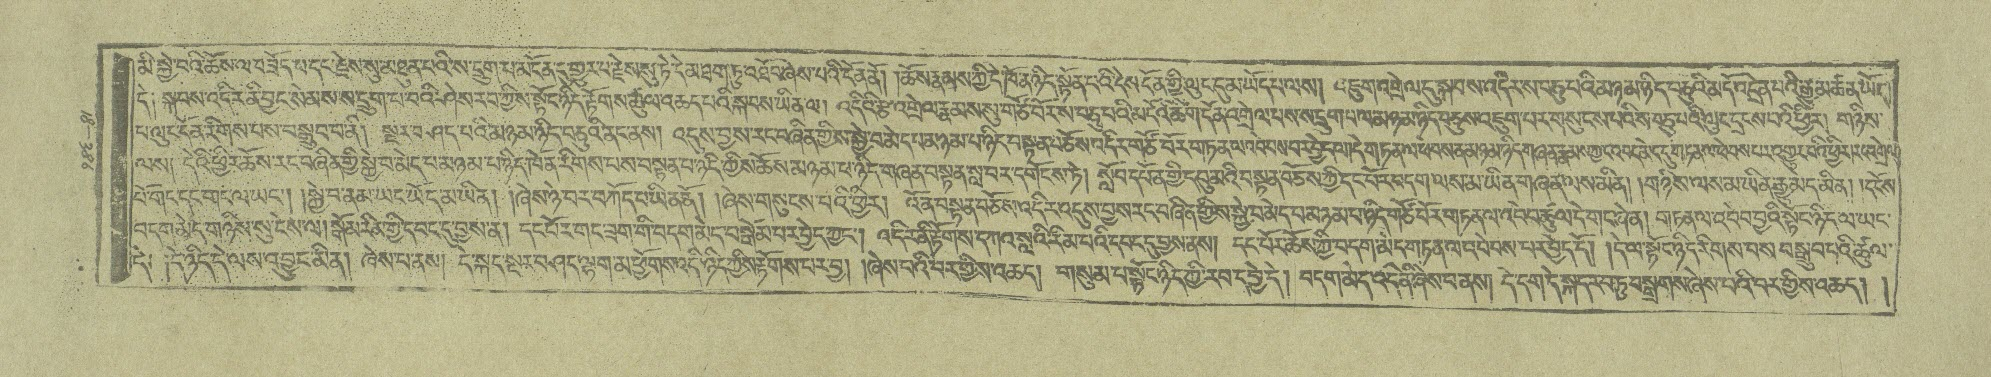མི་སྐྱེ་བའི་ཆོས་ལ་བཟོད་པ་དང་རྗེས་སུ་མཐུན་པའི་ས་དྲུག་པ་མངོན་དུ་གྱུར་པ་རྗེས་སུ་ཏེ་དེ་མ་ཐག་ཏུ་འཐོབ་ཞེས་པའི་དོན་ནོ། །ཆོས་རྣམས་ཀྱི་དེ་ཁོ་ན་ཉིད་སྟོན་པའི་དེས་དོན་གྱི་ལུང་དུ་མ་ཡོད་པ་ལས། འཇུག་འགྲེལ་དུ་སྐབས་འདིར་ས་བཅུ་པའི་མཉམ་ཉིད་བཅུའི་མདོ་འདྲེན་པའི་རྒྱུ་མཚན་ཡོད་
དེ། སྐབས་འདིར་ནི་བྱང་སེམས་ས་དྲུག་པ་བའི་ཤེས་རབ་ཀྱིས་སྟོང་ཉིད་རྟོགས་ཚུལ་འཆད་པའི་སྐབས་ཡིན་ལ། འདིའི་རྩ་འགྲེལ་རྣམས་སུ་གཙོ་བོར་ས་བཅུ་པའི་མདོའི་ཚིག་དོན་འགྲེལ་པས་ས་དྲུག་པ་ལ་མཉམ་ཉིད་བཅུས་འཇུག་པར་གསུངས་པའི་ས་བཅུ་པའི་ལང་དྲངས་པའི་ཕྱིར། གཉིས་
པ་ལུང་དོན་རིགས་པས་བསྒྲུབ་པ་ནི། སྔར་བཤད་པའི་མཉམ་ཉིད་བཅུའི་ནང་ནས། འདུས་བྱས་རང་བཞིན་གྱིས་སྐྱེ་བ་མེད་པ་མཉམ་པ་ཉིད་བསྟན་བཅོས་འདིར་གཙོ་བོར་གཏན་ལ་འབེབས་པར་བྱེད་ལ། དེ་གཏན་ལ་ཕེབས་ན་མཉམ་ཉིད་གཞན་རྣམས་ཀྱང་འབད་མེད་དུ་གཏན་ལ་ཕེབས་པར་འགྱུར་བའི་ཕྱིར། རང་འགྲེལ་
ལས། དེའི་ཕྱིར་ཆོས་རང་བཞིན་གྱི་སྐྱེ་བ་མེད་པ་མཉམ་པ་ཉིད་ཁོ་ན་རིགས་པས་བསྟན་པ་ཉིད་ཀྱིས་ཆོས་མཉམ་པ་ཉིད་གཞན་བསྟན་སླ་བར་དགོངས་ཏེ། སློབ་དཔོན་གྱི་དབུ་མའི་བསྟན་བཅོས་ཀྱི་དང་པོར་བདག་ལས་མ་ཡིན་གཞན་ལས་མིན། །གཉིས་ལས་མ་ཡིན་རྒྱུ་མེད་མིན། །དངོས་
པོ་གང་དང་གང་ལ་ཡང་། །སྐྱེ་བ་ནམ་ཡང་ཡོད་མ་ཡིན། །ཞེས་ཉེ་བར་བཀོད་པ་ཡིན་ནོ། །ཞེས་གསུངས་པའི་ཕྱིར། འོ་ན་བསྟན་བཅོས་འདིར་འདུས་བྱས་རང་བཞིན་གྱིས་སྐྱེ་བ་མེད་པ་མཉམ་པ་ཉིད་གཙོ་བོར་གཏན་ལ་འབེབ་ཚུལ་དེ་གང་ཞེ་ན། གཏན་ལ་འབེབ་བྱའི་སྟོང་ཉིད་ལ་ཡང་
བདག་མེད་གཉིས་སུ་ངེས་ལ། སྒོམ་རིམ་གྱི་དབང་དུ་བྱས་ན། དང་པོར་གང་ཟག་གི་བདག་མེད་བསྒོམ་པར་བྱེད་ཀྱང་། འདིར་ནི་རྟོགས་དཀའ་སླའི་རིམ་པའི་དབང་དུ་བྱས་ནས། དང་པོར་ཆོས་ཀྱི་བདག་མེད་གཏན་ལ་འབེབས་པར་བྱེད་དོ། །དེ་ལ་སྟོང་ཉིད་རིགས་པས་བསྒྲུབ་པའི་ཚུལ་
དེ། །དེ་ཉིད་དེ་ལས་འབྱུང་མིན། ཞེས་པ་ནས། དེ་སྐད་སྔར་བཤད་ལྷག་མ་ཕྱོགས་འདི་ཉིད་ཀྱིས་རྟོགས་པར་བྱ། །ཞེས་པའི་བར་གྱིས་འཆད། གསུམ་པ་སྟོང་ཉིད་ཀྱི་རབ་དབྱེ་དེ། བདག་མེད་འདི་ནི་ཞེས་པ་ནས། དེ་དག་དེ་སྐད་རབ་ཏུ་བསྒྲགས་ཞེས་པའི་བར་གྱིས་འཆད། །